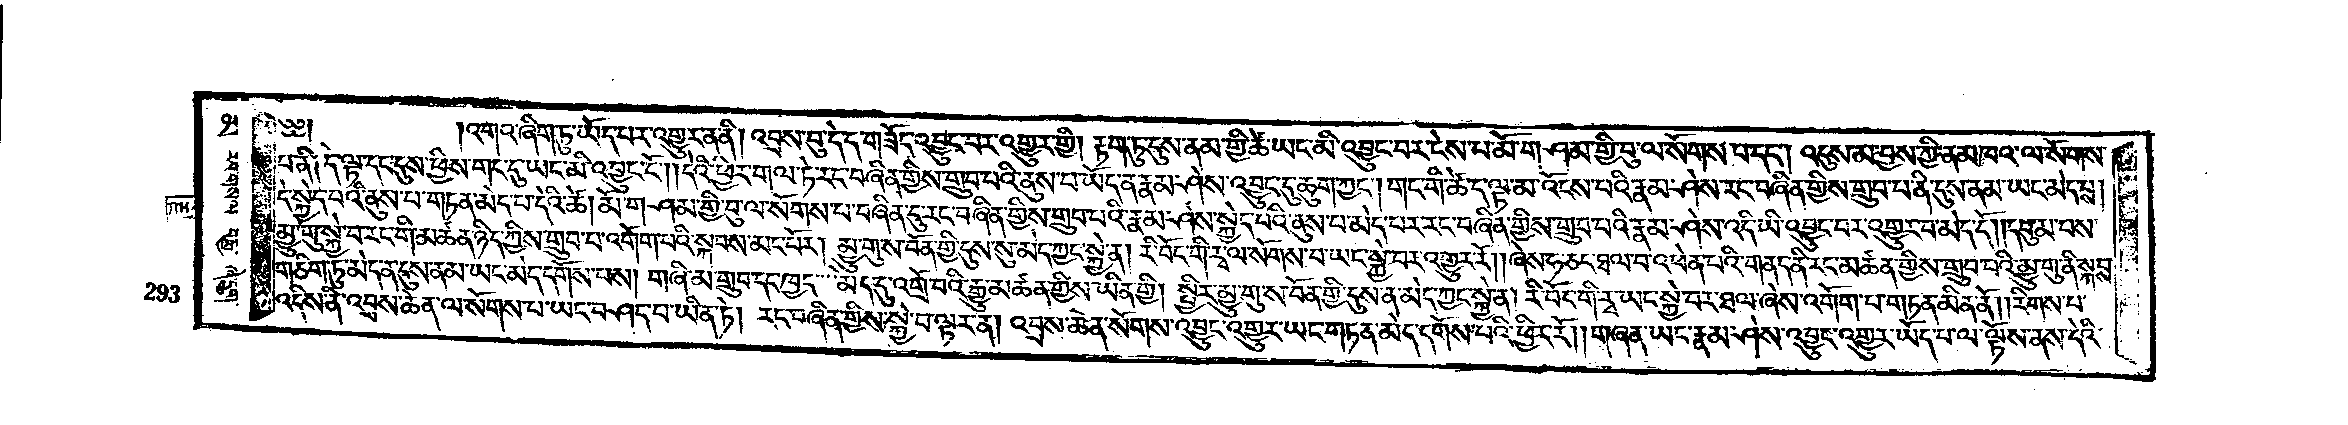༄༅། །འགའ་ཞིག་ཏུ་ཡོད་པར་འགྱུར་ན་ནི། འབྲས་བུ་དེ་ད་གཟོད་འབྱུང་བར་འགྱུར་གྱི། རྟག་ཏུ་དུས་ནམ་གྱི་ཚེ་ཡང་མི་འབྱུང་བར་ངེས་པ་མོ་གཤམ་གྱི་བུ་ལ་སོགས་པ་དང་། འདུས་མ་བྱས་ཀྱི་ནམ་མཁའ་ལ་སོགས་
པ་ནི། ད་ལྟ་དང་དུས་ཕྱིས་གང་དུ་ཡང་མི་འབྱུང་ངོ། །དེའི་ཕྱིར་གལ་ཏེ་རང་བཞིན་གྱིས་གྲུབ་པའི་ནུས་པ་ཡོད་ན་རྣམ་ཤེས་འབྱུང་དུ་ཆུག་ཀྱང་། གང་གི་ཚེ་ད་ལྟ་མ་འོངས་པའི་རྣམ་ཤེས་རང་བཞིན་གྱིས་གྲུབ་པ་ནི་དུས་ནམ་ཡང་མེད་པས།
དེ་སྐྱེད་པའི་ནུས་པ་གཏན་མེད་པ་དེའི་ཚེ། མོ་གཤམ་གྱི་བུ་ལ་སོགས་པ་བཞིན་དུ་རང་བཞིན་གྱིས་གྲུབ་པའི་རྣམ་ཤེས་སྐྱེད་པའི་ནུས་པ་མེད་པར་རང་བཞིན་གྱིས་གྲུབ་པའི་རྣམ་ཤེས་འདི་ཡི་འབྱུང་བར་འགྱུར་བ་མེད་དོ། །དབུ་མ་པས་
མྱུ་གུ་སྐྱེ་བ་རང་གི་མཚན་ཉིད་ཀྱིས་གྲུབ་པ་འགོག་པའི་སྐབས་མང་པོར། མྱུ་གུ་ས་བོན་གྱི་དུས་སུ་མེད་ཀྱང་སྐྱེ་ན། རི་བོང་གི་རྭ་ལ་སོགས་པ་ཡང་སྐྱེ་བར་འགྱུར་རོ། །ཞེས་ཧ་ཅང་ཐལ་བ་འཕེན་པའི་གནད་ནི་རང་མཚན་གྱིས་གྲུབ་པའི་མྱུ་གུ་ནི་སྐབས་
གཅིག་ཏུ་མེད་ན་དུས་ནམ་ཡང་མེད་དགོས་པས། གཞི་མ་གྲུབ་དང་ཁྱད་མེད་དུ་འགྲོ་བའི་རྒྱུ་མཚན་གྱིས་ཡིན་གྱི། སྤྱིར་མྱུ་གུ་ས་བོན་གྱི་དུས་ན་མེད་ཀྱང་སྐྱེ་ན། རི་བོང་གི་རྭ་ཡང་སྐྱེ་བར་ཐལ་ཞེས་འགོག་པ་གཏན་མིན་ནོ། །རིགས་པ་
འདིས་ནི་འབྲས་ཆན་ལ་སོགས་པ་ཡང་བཤད་པ་ཡིན་ཏེ། རང་བཞིན་གྱིས་སྐྱེ་བ་ལྟར་ན། འབྲས་ཆེན་སོགས་འབྱུང་འགྱུར་ཡང་གཏན་མེད་དགོས་པའི་ཕྱིར་རོ། །གཞན་ཡང་རྣམ་ཤེས་འབྱུང་འགྱུར་ཡོད་པ་ལ་ལྟོས་ནས་དེའི་